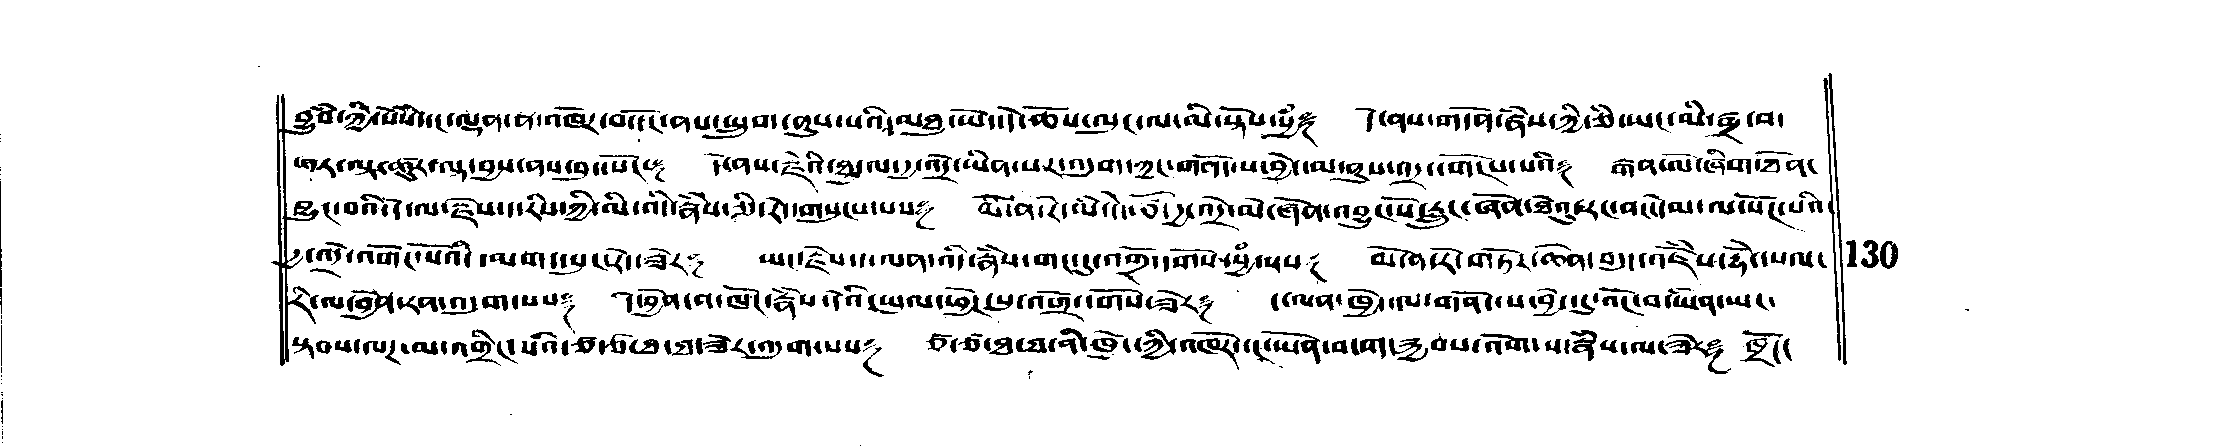བྱང་ཆུབ་ཀྱི་སེམས་དང་ལྡན་ན་འཁོར་བ་དོང་ནས་སྤྲུག་ནུས་པའི་མཐུ་ཡོད་དེ་ཆོས་ལུགས་ལ་མི་སྟོས་གསུངས། དེ་ནས་གདོན་རྣམས་ཀྱི་ཅི་ཡང་མི་སྨྲ་བ་
ཕར་ལྟ་ཚུར་ལྟ་བྱས་ནས་བུད་སོང་།དེ་ནས་རྗེའི་ཐུགས་ལ་རྒྱ་འདྲེ་ཡིན་པར་འདུག་ཀྱང་གནོད་པ་བྱེད་མ་ནུས་འདྲ་དགོངས་པའི། རྒན་མོ་ཞིག་ཐོན་
བྱུང་བའི་དེ་ལ་རྗེས་ད་རིས་ཀྱི་མི་འདི་རྣམས་ཅི་རེད་གསུངས་པས། མོ་ན་རེ་མི་དེ་ཚོ་རྒྱ་འདྲེ་མེ་ཞོན་འབྱུང་པོ་རླུང་ཞོན་ཐེའུ་རང་ནང་དེམ་ལ་སོགས་པའི་
རྒྱ་འདྲེ་འགོང་པོའི་དམག་དཔུང་རེད་ཟེར། ཡང་རྗེས་ད་ལན་འདི་རྣམས་གང་དུ་འགྲོ་དགོས་གསུངས་པས། མོ་ན་རེ་གཏེར་ཆེན་བདུད་འཇོམས་རྡོ་རྗེ་དཔལ་
རི་ལ་བྱོན་རན་འདུགས་པས། དེ་བྱོན་ན་ཁོང་རྣམས་དེའི་ཡུལ་ཕྱོགས་སུ་འགྲོ་དགོས་ཟེར། ད་ལན་ཁྱོད་ལ་གནོད་པ་བྱེད་དུ་འོང་བ་ཡིན་ཡང་
སྟབས་ལགས་མ་འགྲིགས་པའི་ཙ་ཙ་ཐ་ཐ་ཟེར་འདུག་པས། ཙ་ཙ་ཐ་ཐ་ནི་ཁྱོད་ཀྱི་འཁོར་དང་ཡོན་བདག་སྐྱབས་འོག་པ་རྣམས་ལ་ཟེར། ཁྱོད་